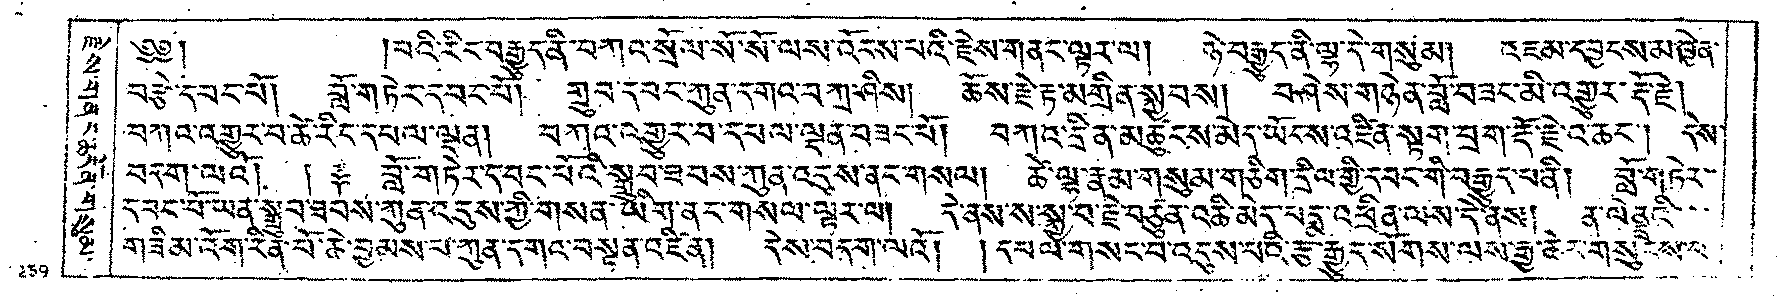༄༅། །པའི་རིང་བརྒྱུད་ནི་བཀའ་སྲོལ་སོ་སོ་ལས་འོངས་པའི་རྗེས་གནང་ལྟར་ལ། ཉེ་བརྒྱུད་ནི་ལྷ་དེ་གསུམ། འཇམ་དབྱངས་མཁྱེན་
བརྩེ་དབང་པོ། བློ་གཏེར་དབང་པོ། གྲུབ་དབང་ཀུན་དགའ་བཀྲ་ཤིས། ཆོས་རྗེ་རྟ་མགྲིན་སྐྱབས། བཤེས་གཉེན་བློ་བཟང་མི་འགྱུར་རྡོ་རྗེ།
བཀའ་འགྱུར་བ་ཚེ་རིང་དཔལ་ལྡན། བཀའ་འགྱུར་བ་དཔལ་ལྡན་བཟང་པོ། བཀའ་དྲིན་མཚུངས་མེད་ཡོངས་འཛིན་སྟག་བྲག་རྡོ་རྗེ་འཆང་། དེས་
བདག་ལའོ། ། ༈ བློ་གཏེར་དབང་པོའི་སྒྲུབ་ཐབས་ཀུན་འདུས་ནང་གསལ། ཚེ་ལྷ་རྣམ་གསུམ་གཅིག་དྲིལ་གྱི་དབང་གི་བརྒྱུད་པ་ནི། བློ་གཏེར་
དབང་པོ་ཡན་སྒྲུབ་ཐབས་ཀུན་འདུས་ཀྱི་གསན་ཡིག་ནང་གསལ་ལྟར་ལ། དེ་ནས་ས་སྐྱ་བ་རྗེ་བཙུན་འཆི་མེད་པདམ་འཕྲིན་ལས་དེ་ནས། ན་ལེནྡྲའི་
གཟིམ་འོག་རིན་པོ་ཆེ་བྱམས་པ་ཀུན་དགའ་བསྟན་འཛིན། དེས་བདག་ལའོ། །དཔལ་གསང་བ་འདུས་པའི་རྩ་རྒྱུད་སོགས་ལས་རྒྱ་ཆེར་གསུངས་པ་